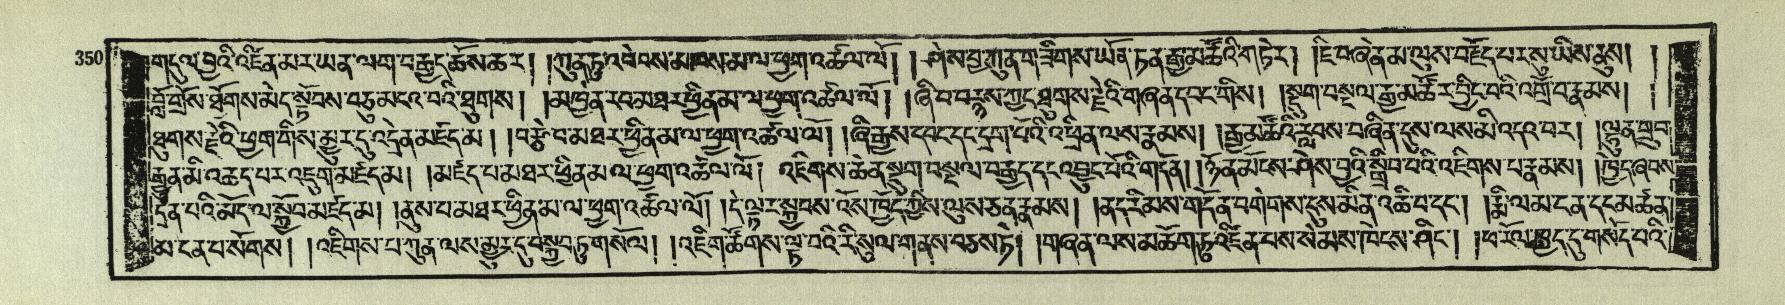གདུལ་བྱའི་འཛིན་མར་ཡན་ལག་བརྒྱད་ཆོས་ཆར། །ཀུན་ཏུ་འབེབས་མཁས་མ་ལ་ཕྱག་འཚལ་ལོ། །ཤེས་བྱ་ཀུན་གཟིགས་ཡོན་ཏན་རྒྱ་མཚོའི་གཏེར། །ཇི་བཞེན་མ་ལུས་བརྗོད་པར་སུ་ཡིས་ནུས། །
བློ་གྲོས་ཐོགས་མེད་སྟོབས་བཅུ་མངའ་བའི་ཐུགས། །མཁྱེན་རབ་མཐར་ཕྱིན་མ་ལ་ཕྱག་འཚལ་ལོ། །ཞི་བ་བརྙེས་ཀྱང་ཐུགས་རྗེའི་གཞན་དབང་གིས། །སྡུག་བསྔལ་རྒྱ་མཚོར་བྱིང་བའི་འགྲོ་བ་རྣམས། །
ཐུགས་རྗེའི་ཕྱག་གིས་མྱུར་དུ་འདྲེན་མཛད་མ། །བརྩེ་བ་མཐར་ཕྱིན་མ་ལ་ཕྱག་འཚལ་ལོ། །ཞི་རྒྱས་དབང་དང་དྲག་པོའི་འཕྲིན་ལས་རྣམས། །རྒྱ་མཚོའི་རླབས་བཞིན་དུས་ལས་མི་འདའ་བར། །ལྷུན་གྲུབ་
རྒྱུན་མི་འཆད་པར་འཇུག་མཛད་མ། །མཛད་པ་མཐར་ཕྱིན་མ་ལ་ཕྱག་འཚལ་ལོ། འཇིགས་ཆེན་སྡུག་བསྔལ་བརྒྱད་དང་འབྱུང་པོའི་གདོན། །ཉོན་མོངས་ཤེས་བྱའི་སྒྲིབ་པའི་འཇིགས་པ་རྣམས། །ཁྱེད་ཞབས་
དྲན་པའི་མོད་ལ་སྐྱོབ་མཛད་མ། །ནུས་པ་མཐར་ཕྱིན་མ་ལ་ཕྱག་འཚལ་ལོ། །དེ་ལྟར་སྐྱབས་འོས་ཁྱོད་ཀྱིས་ལུས་ཅན་རྣམས། །ནད་རིམས་གདོན་བགེགས་དུས་མིན་འཆི་བ་དང་། །རྨི་ལམ་ངན་དང་མཚན་
མ་ངན་པ་སོགས། །འཇིགས་པ་ཀུན་ལས་མྱུར་དུ་བསྐྱབ་ཏུ་གསོལ། །འཇིག་ཚོགས་ལྟ་བའི་རི་སུལ་གནས་བཅས་ཏེ། །གཞན་ལས་མཆོག་ཏུ་འཛིན་པས་སེམས་ཁེངས་ཤིང་། །ཕ་རོལ་ཁྱད་དུ་གསོད་པའི་